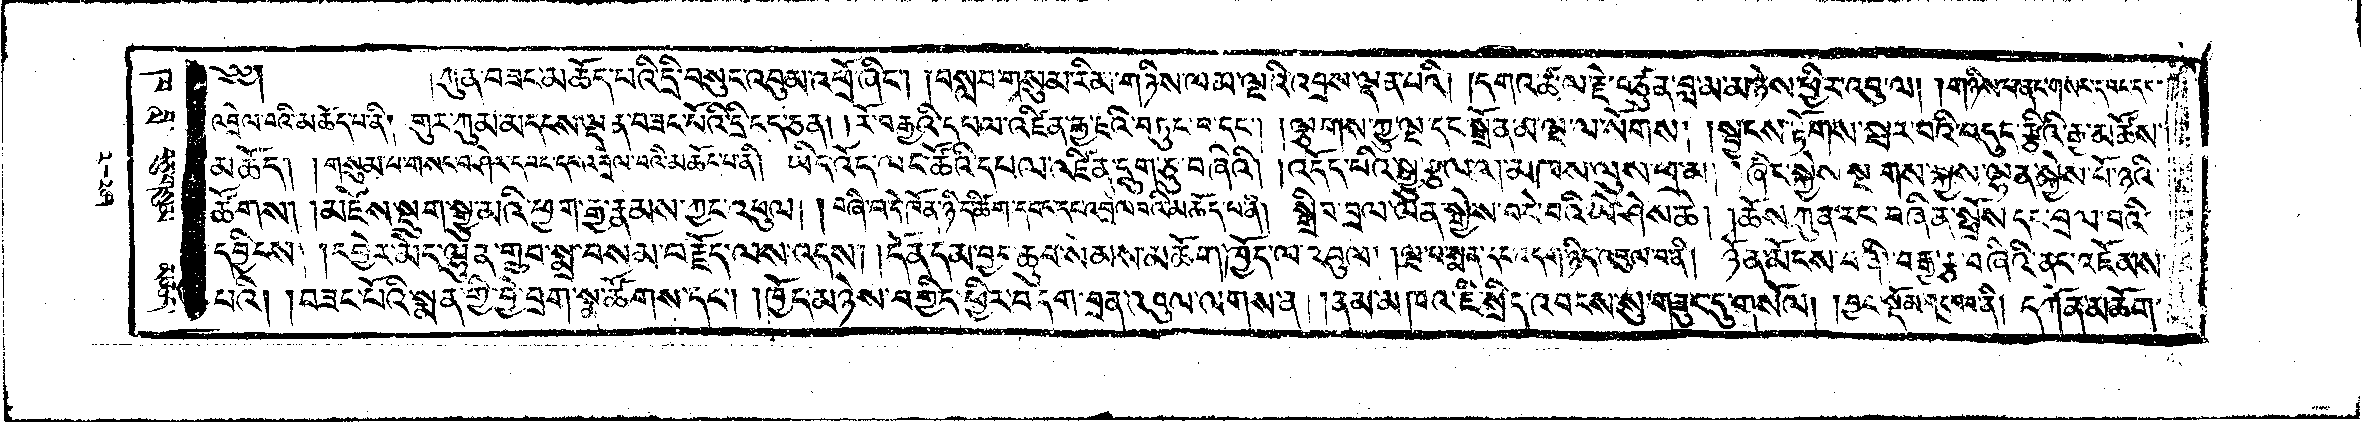༄༅། །ཀུན་བཟང་མཆོད་པའི་དྲི་བསུང་འབུམ་འཕྲོ་ཞིང་། །བསླབ་གསུམ་རིམ་གཉིས་ལམ་ལྔའི་འབྲས་ལྡན་པའི། །དགའ་ཚ་ལ་རྗེ་བཙུན་བླ་མ་མཉེས་ཕྱིར་འབུལ་ལ། །གཉིས་པ་ནང་གསར་དབང་དང་
འབྲེལ་བའི་མཆོད་པ་ནི། གུར་ཀུམ་མདངས་ལྡན་བཟང་པོའི་དྲི་ངད་ཅན། །རོ་བརྒྱའི་དཔལ་འཛིན་རྒྱ་ཇའི་བཏུང་བ་དང་། །ལྕག་སྐྱུལ་ང་དང་སྒྲོན་མ་ལྔ་ལ་སོགས། །སྦྱངས་རྟོགས་སྦར་བའི་བདུད་རྩིའི་རྒྱ་མཚོས་
མཆོད། །གསུམ་པ་གསང་བཤེར་དབང་དང་འབྲེལ་བའི་མཆོད་པ་ནི། ཡིད་འོང་ལང་ཚོའི་དཔལ་འཛིན་དྲུག་ཅུ་བཞིའི། །འདོད་པའི་སྒྱུ་རྩ་ལའ། མཁས་ལུས་ཕྲ་མ། །ཞིང་སྐྱེས་སྔགས་སྐྱེས་ལྷན་སྐྱེས་པོ་ཉའི་
ཚོགས། །མཛེས་སྡུག་སྒྱུ་མའི་ཕྱག་རྒྱ་རྣམས་ཀྱང་འཕུལ། །བཞི་བ་དེ་ཁོ་ན་ཉིད་ཚིག་དབང་དང་འབྲེལ་བའི་མཆོད་པ་ནི། སྒྲིབ་བྲལ་ལེན་སྒྱེས་བདེ་བའི་ཡེ་ཤེས་ཆེ། །ཆོས་ཀུན་རང་བཞིན་སྤྲོས་དང་བྲལ་བའི་
དབྱིངས། །དབྱེར་མེད་ལྷུན་གྲུབ་སྨྲ་བསམ་བརྗོད་ལས་འདས། །དོན་དམ་བྱང་ཆུབ་སེམས་མཆོག་ཁྱོད་ལ་འབུལ། །ལྔ་པ་སྨན་དང་བདག་ཉིད་འབུལ་བ་ནི། ཉོན་མོངས་བཞི་བརྒྱ་རྩ་བཞིའི་ནང་འཇོམས་
པའི། །བཟང་པོའི་སྨན་གྱི་བྱེ་བྲག་སྣ་ཚོགས་དང་། །ཁྱོད་མཉེས་བགྱིད་ཕྱིར་བདག་བྲན་འབུལ་ལགས་ན། །ནམ་མཁའ་ཇི་སྲིད་འབངས་སུ་གཟུང་དུ་གསོལ། །བྱང་སྡོམ་གང་བབ་ནི། དཀོན་མཆོག་